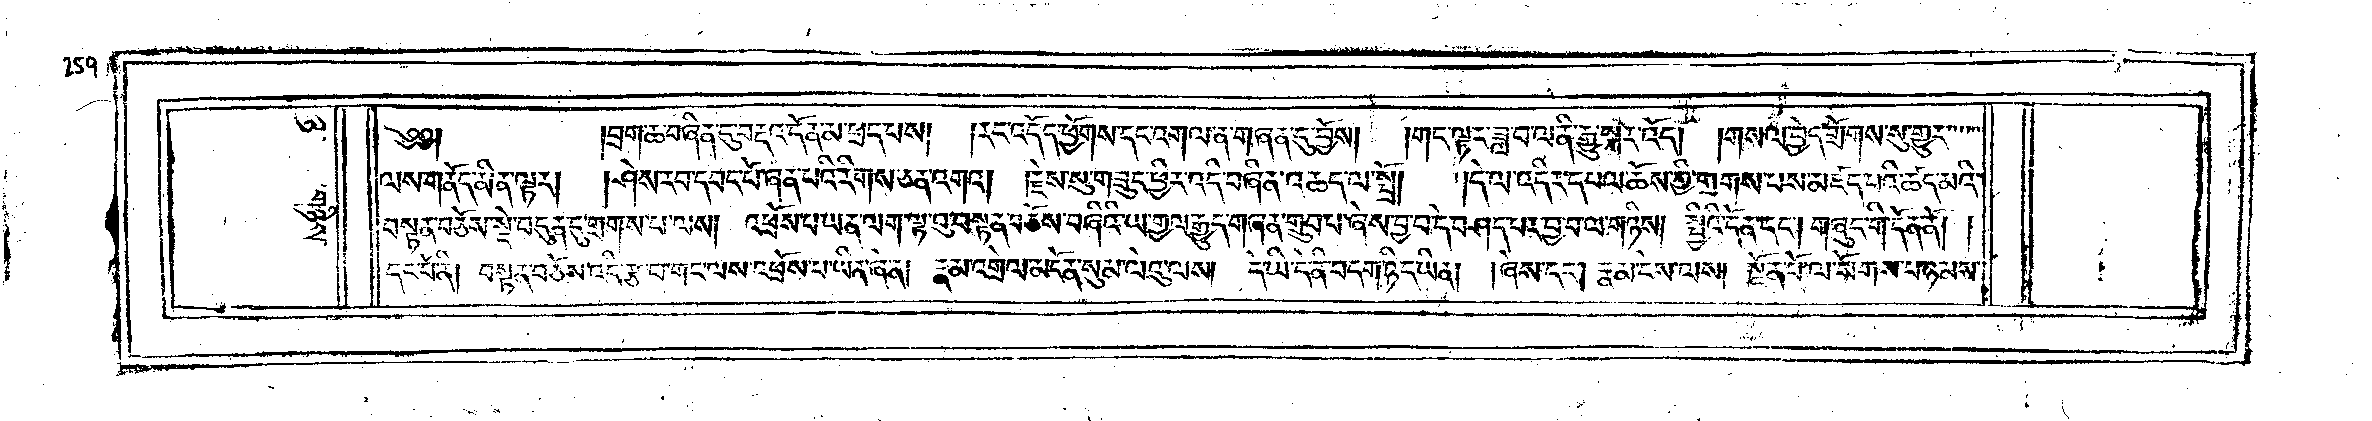༄༅། །བྲག་ཆ་བཞིན་དུ་བརྡའ་དོན་མ་ཕྲད་པས། །རང་འདོད་ཕྱོགས་དང་འགལ་ན་གཞན་དུ་བྱོས། །གང་ལྟར་ཟླ་བ་ལ་ནི་རྒྱུ་སྐར་འོད། །གསལ་བྱེད་གྲོགས་སུ་གྱུར་
ལས་གནོད་མིན་ལྟར། །ཤེས་རབ་དབང་པོ་ཞན་པའི་རིགས་ཅན་འགའ། །རྗེས་སུ་གཟུང་ཕྱིར་འདི་བཞིན་འཆད་ལ་སྤྲོ། །དེ་ལ་འདིར་དཔལ་ཆོས་ཀྱི་གྲགས་པས་མཛད་པའི་ཚད་མའི་
བསྟན་བཅོས་སྡེ་བདུན་དུ་གྲགས་པ་ལས། འཕྲོས་པ་ཡན་ལག་ལྟ་བུ་བསྟན་བཅོས་བཞིའི་ཡ་གྱལ་རྒྱུད་གཞན་གྲུབ་པ་ཞེས་བྱ་བ་དེ་བཤད་པར་བྱ་བ་ལ་གཉིས། སྤྱིའི་དོན་དང་། གཞུང་གི་དོན་ནོ། །
དང་པོ་ནི། བསྟན་བཅོས་འདི་རྩ་བ་གང་ལས་འཕྲོས་པ་ཡིན་ཞེ་ན། རྣམ་འགྲེལ་མངོན་སུམ་ལེའུ་ལས། དེ་ཡི་དེ་ནི་བདག་ཉིད་ཡིན། །ཞེས་དང་། རྣམ་ངེས་ལས། སྔོན་པོ་ལ་སོགས་པ་ཉམས་